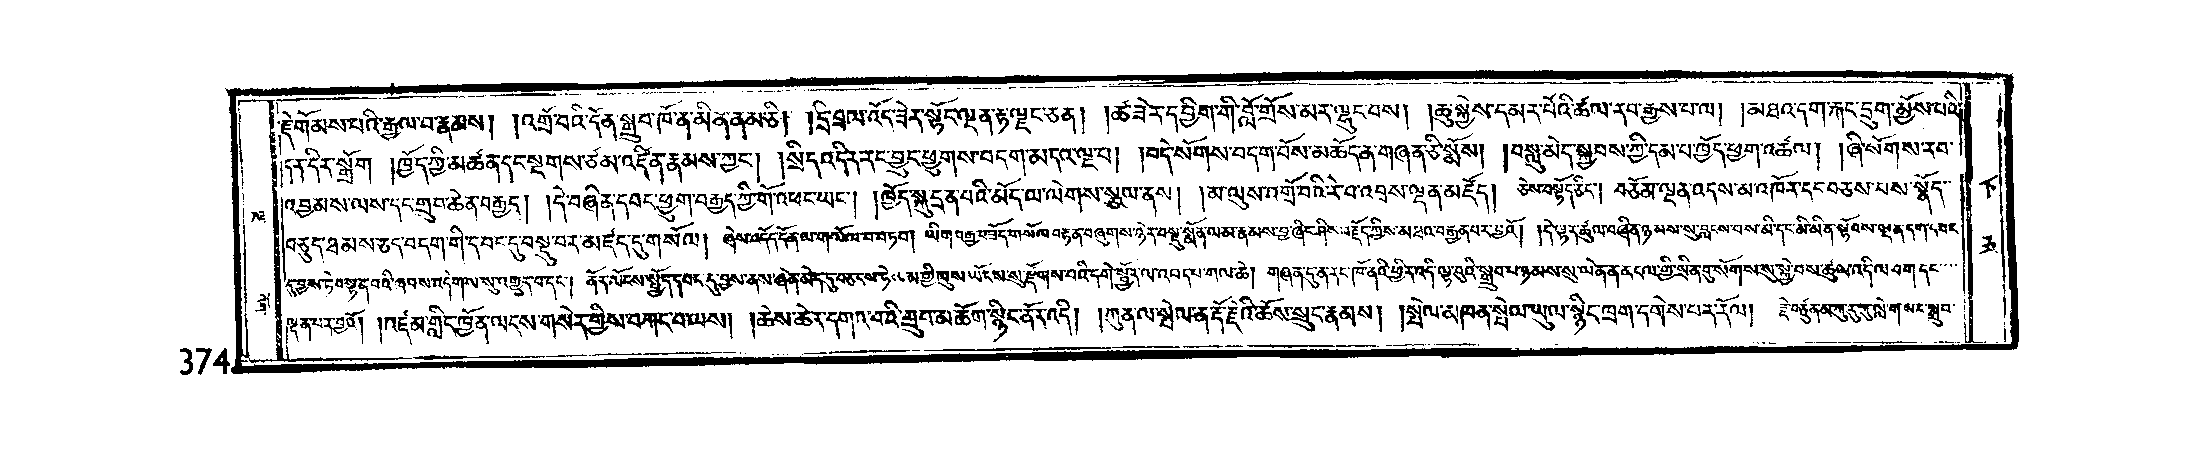རྗེ་གོམས་པའི་རྒྱལ་བ་རྣམས། །འགྲོ་བའི་དོན་སྒྲུབ་ཁོ་ན་མིན་ནམ་ཅི། །དྲི་བྲལ་འོད་ཟེར་སྟོང་ལྡན་རྟ་ལྗང་ཅན། །ཚ་ཟེར་དབྱིག་གི་བློ་གྲོས་མར་ལྷུང་བས། །ཆུ་སྐྱེས་དམར་པོའི་ཚལ་རབ་རྒྱས་པ་ལ། །མཐའ་དག་རྐང་དྲུག་མྱོས་པའི་
དར་དིར་སྒྲོག །ཁྱོད་ཀྱི་མཚན་དང་སྔགས་ཙམ་འཛིན་རྣམས་ཀྱང་། །སྲིད་འདིར་རང་བྱུང་ཕྱུགས་བདག་མདའ་ལྔ་པ། །བདེ་སོགས་བདག་པོས་མཆོད་ན་གཞན་ཅི་སྨོས། །བསླུ་མེད་སྐྱབས་ཀྱི་དམ་པ་ཁྱོད་ཕྱག་འཚལ། །ཞི་སོགས་རབ་
འབྱམས་ལས་དང་གྲུབ་ཆེན་བརྒྱད། །དེ་བཞིན་དབང་ཕྱུག་བརྒྱད་ཀྱི་གོ་འཕང་ཡང་། །ཁྱོད་སྐུ་དྲན་པའི་མོད་ལ་ལེགས་སྩལ་ནས། །མ་ལུས་འགྲོ་བའི་རེ་བ་འབྲས་ལྡན་མཛོད། ཅེས་བསྟོད་ཅིང་། བཅོམ་ལྡན་འདས་མ་འཁོར་དང་བཅས་པས་སྣོད་
བཅུད་ཐམས་ཅད་བདག་གི་དབང་དུ་བསྡུ་བར་མཛད་དུ་གསོལ། ཞེས་འདོད་དོན་ལ་གསོལ་བ་བཏབ། ཡིག་བརྒྱ་བཟོད་གསོལ་བརྟན་བཞུགས་ཉེར་བསྡུ་སྨོན་ལམ་རྣམས་བྱ་ཞིང་ཤིས་བརྗོད་ཀྱིས་མཐའ་བརྒྱན་པར་བྱའོ། །དེ་ལྟར་ཚུལ་བཞིན་ཉམས་སུ་བླངས་བས་མི་དང་མི་མིན་སྟོབས་ལྡན་དག་དབང་
དུ་བྱས་ཏེ་བསྟན་པའི་ཞབས་འདེགས་སུ་འགྱུར་བ་དང་། ནོར་ལོངས་སྤྱོད་དབང་དུ་བྱས་ནས་ཞེན་མེད་དུ་བཅངས་ཏེ་ལམ་གྱི་ཁུས་ཡོངས་སུ་རྫོགས་པའི་དགེ་སྦྱོར་ལ་འབད་པ་གལ་ཆེ། གཞན་དུ་ན་རང་ཁོ་ནའི་ཕྱིར་འདི་ལྟ་བུའི་སྒྲུབ་པ་ཉམས་སུ་ལེན་ན་མངལ་གྱི་སྲིན་བུ་སོགས་སུ་སྐྱེ་བས་ཚུལ་འདི་ལ་བག་དང་
ལྡན་པར་བྱའོ། །འཛམ་གླིང་ཁྱོན་ལངས་གསེར་གྱིས་བཀང་བ་ལས། །ཆེས་ཆེར་དགའ་བའི་གྲུབ་མཆོག་སྙིང་ནོར་འདི། །ཀུན་ལ་སྤེལ་ན་རྡོ་རྗེའི་ཆོས་སྲུང་རྣམས། །སྤེལ་མཁན་སྤེལ་ཡུལ་སྙིང་ཁྲག་དགེས་པར་རོལ། །རྗེ་བཙུན་མ་ཀུ་རུ་ཀུ་སླེ་གསང་སྒྲུབ་